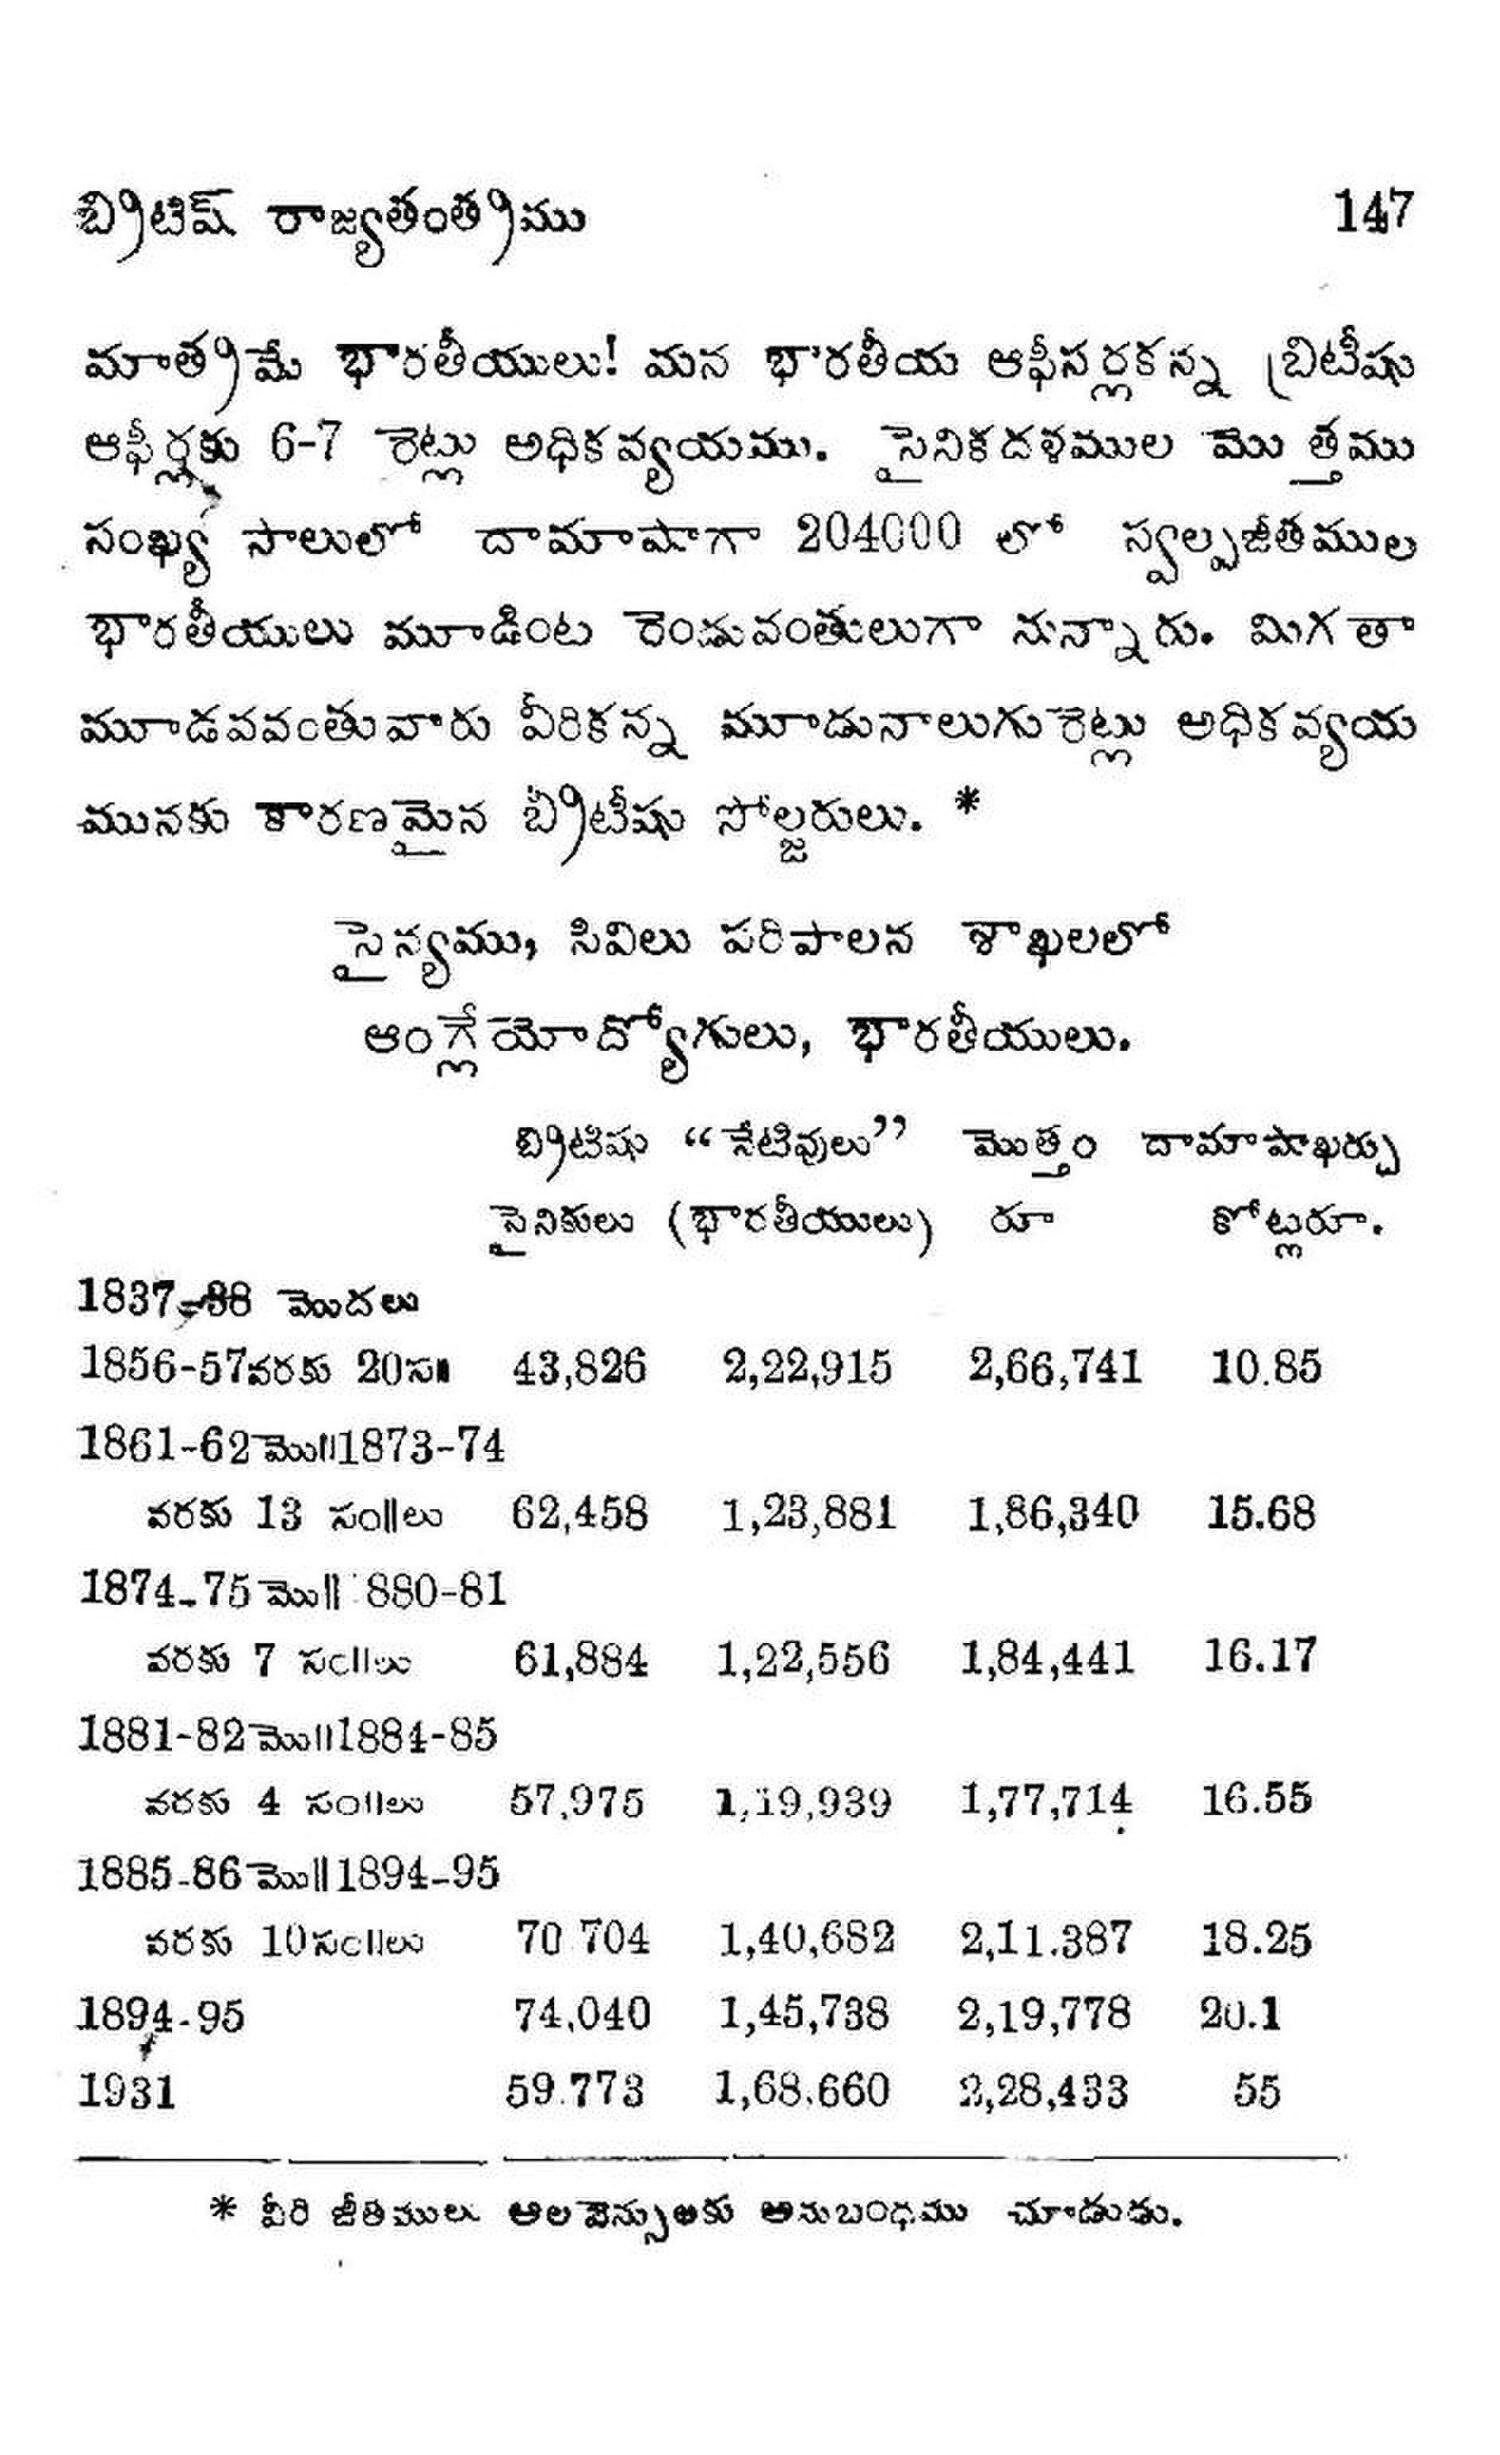మాత్రమే భారతీయులు! మన భారతీయ ఆఫీసర్లకన్న బ్రిటీషు ఆఫీసర్లకు 6-7 రెట్లు అధికవ్యయము. సైనికదళముల మొత్తముసంఖ్య సాలులో దామాషాగా 204000 లో స్వల్పజీతముల భారతీయులు మూడింట రెండువంతులుగా నున్నారు. మిగతా మూడవవంతువారు వీరికన్న మూడునాలుగురెట్లు అధికవ్యయమునకు కారణమైన బ్రిటీషు సోల్జరులు.

సైన్యము, సివిలు పరిపాలన శాఖలలో ఆంగ్లేయోద్యోగులు, భారతీయులు

 సంవత్సరములు బ్రిటీషు సైనికులు "నేటివులు" భారతీయులు మొత్తం రూ. దామాషాఖర్చు కోట్లరూ. 1837-38 మొదలు 1856-57 వరకు 20 సం. 43,826 2,22,915 2,66,741 10.85 1861-62 మొ. 1873-74 వరకు 13 సం. లు 62,458 1,23,881 1,86,340 15.68 1874-75 మొ. 1880-81 వరకు 7 సం. లు 61,884 1,22,556 1,84,441 16.17 1881-82 మొ. 1884-85 వరకు 4 సం. లు 57,975 1,19,939 1,77,714 16.55 1885-86 మొ. 1894-95 వరకు 10 సం. లు 70,704 1,40,682 2,11,387 18.25 1894-95 74,040 1,45,738 2,19,778 20.1 1931 59,773 1,68,660 2,28,433 55